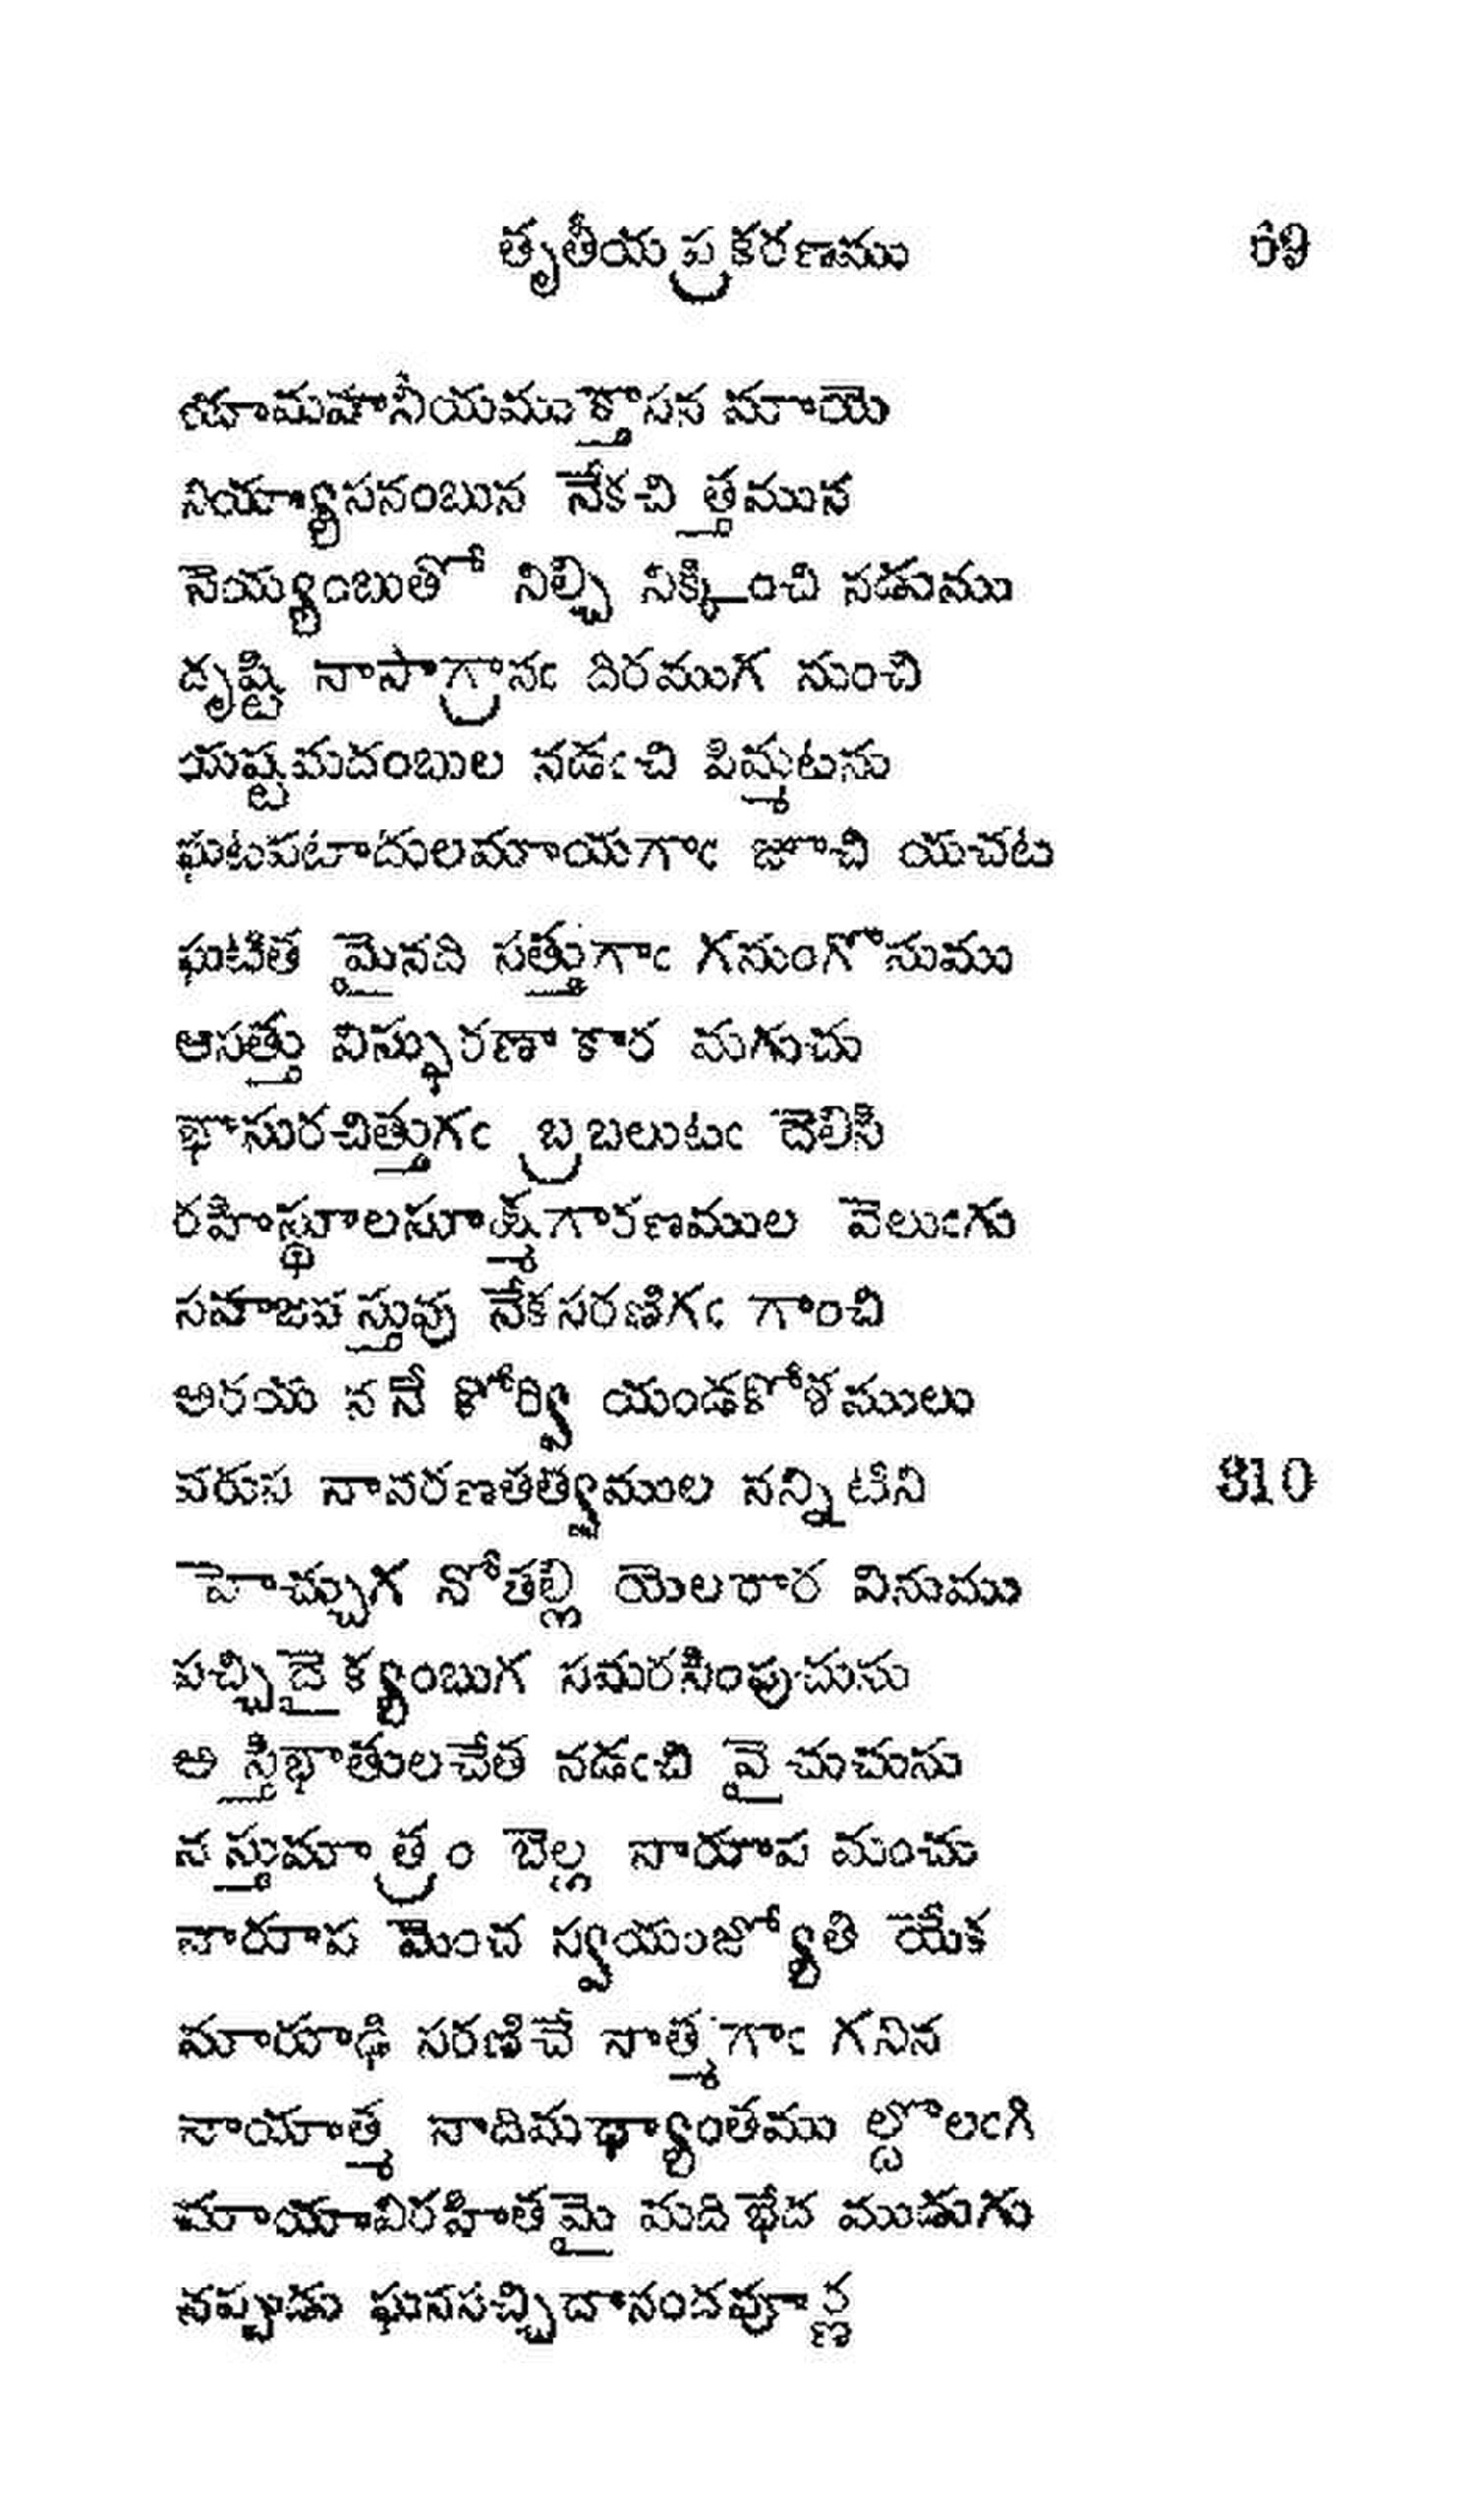యామహనీయముక్తాసన మాయె
నియ్యాసనంబున నేకచిత్తమున
నెయ్యంబుతో నిల్చి నిక్కించి నడుము
దృష్టి నాసాగ్రానఁ దిరముగ నుంచి
యష్టమదంబుల నడఁచి పిమ్మటను
ఘటపటాదులమాయగాఁ జూచి యచట
ఘటిత మైనది సత్తుగాఁ గనుంగొనుము
ఆసత్తు విస్ఫురణాకార మగుచు
భాసురచిత్తుగఁ బ్రబలుటఁ దెలిసి
రహిస్థూలసూక్ష్మగారణముల వెలుఁగు
సహజవస్తువు నేకసరణిగఁ గాంచి
అరయ ననేకోర్వియండకోశములు
వరుస నావరణతత్వముల నన్నిటిని
హెచ్చుగ నోతల్లి యెలరార వినుము
సచ్చిదైక్యంబుగ సమరసింపుచును
అస్తిభాతులచేత నడఁచి వైచుచును
వస్తుమాత్రం బెల్ల నారూప మంచు
నారూప మెంచ స్వయంజ్యోతి యేక
మారూఢి సరణిచే నాత్మగాఁ గనిన
నాయాత్మ నాదిమధ్యాంతము ల్దొలఁగి
మాయావిరహితమై మదిభేద ముడుగు
నప్పుడు ఘనసచ్చిదానందపూర్ణ